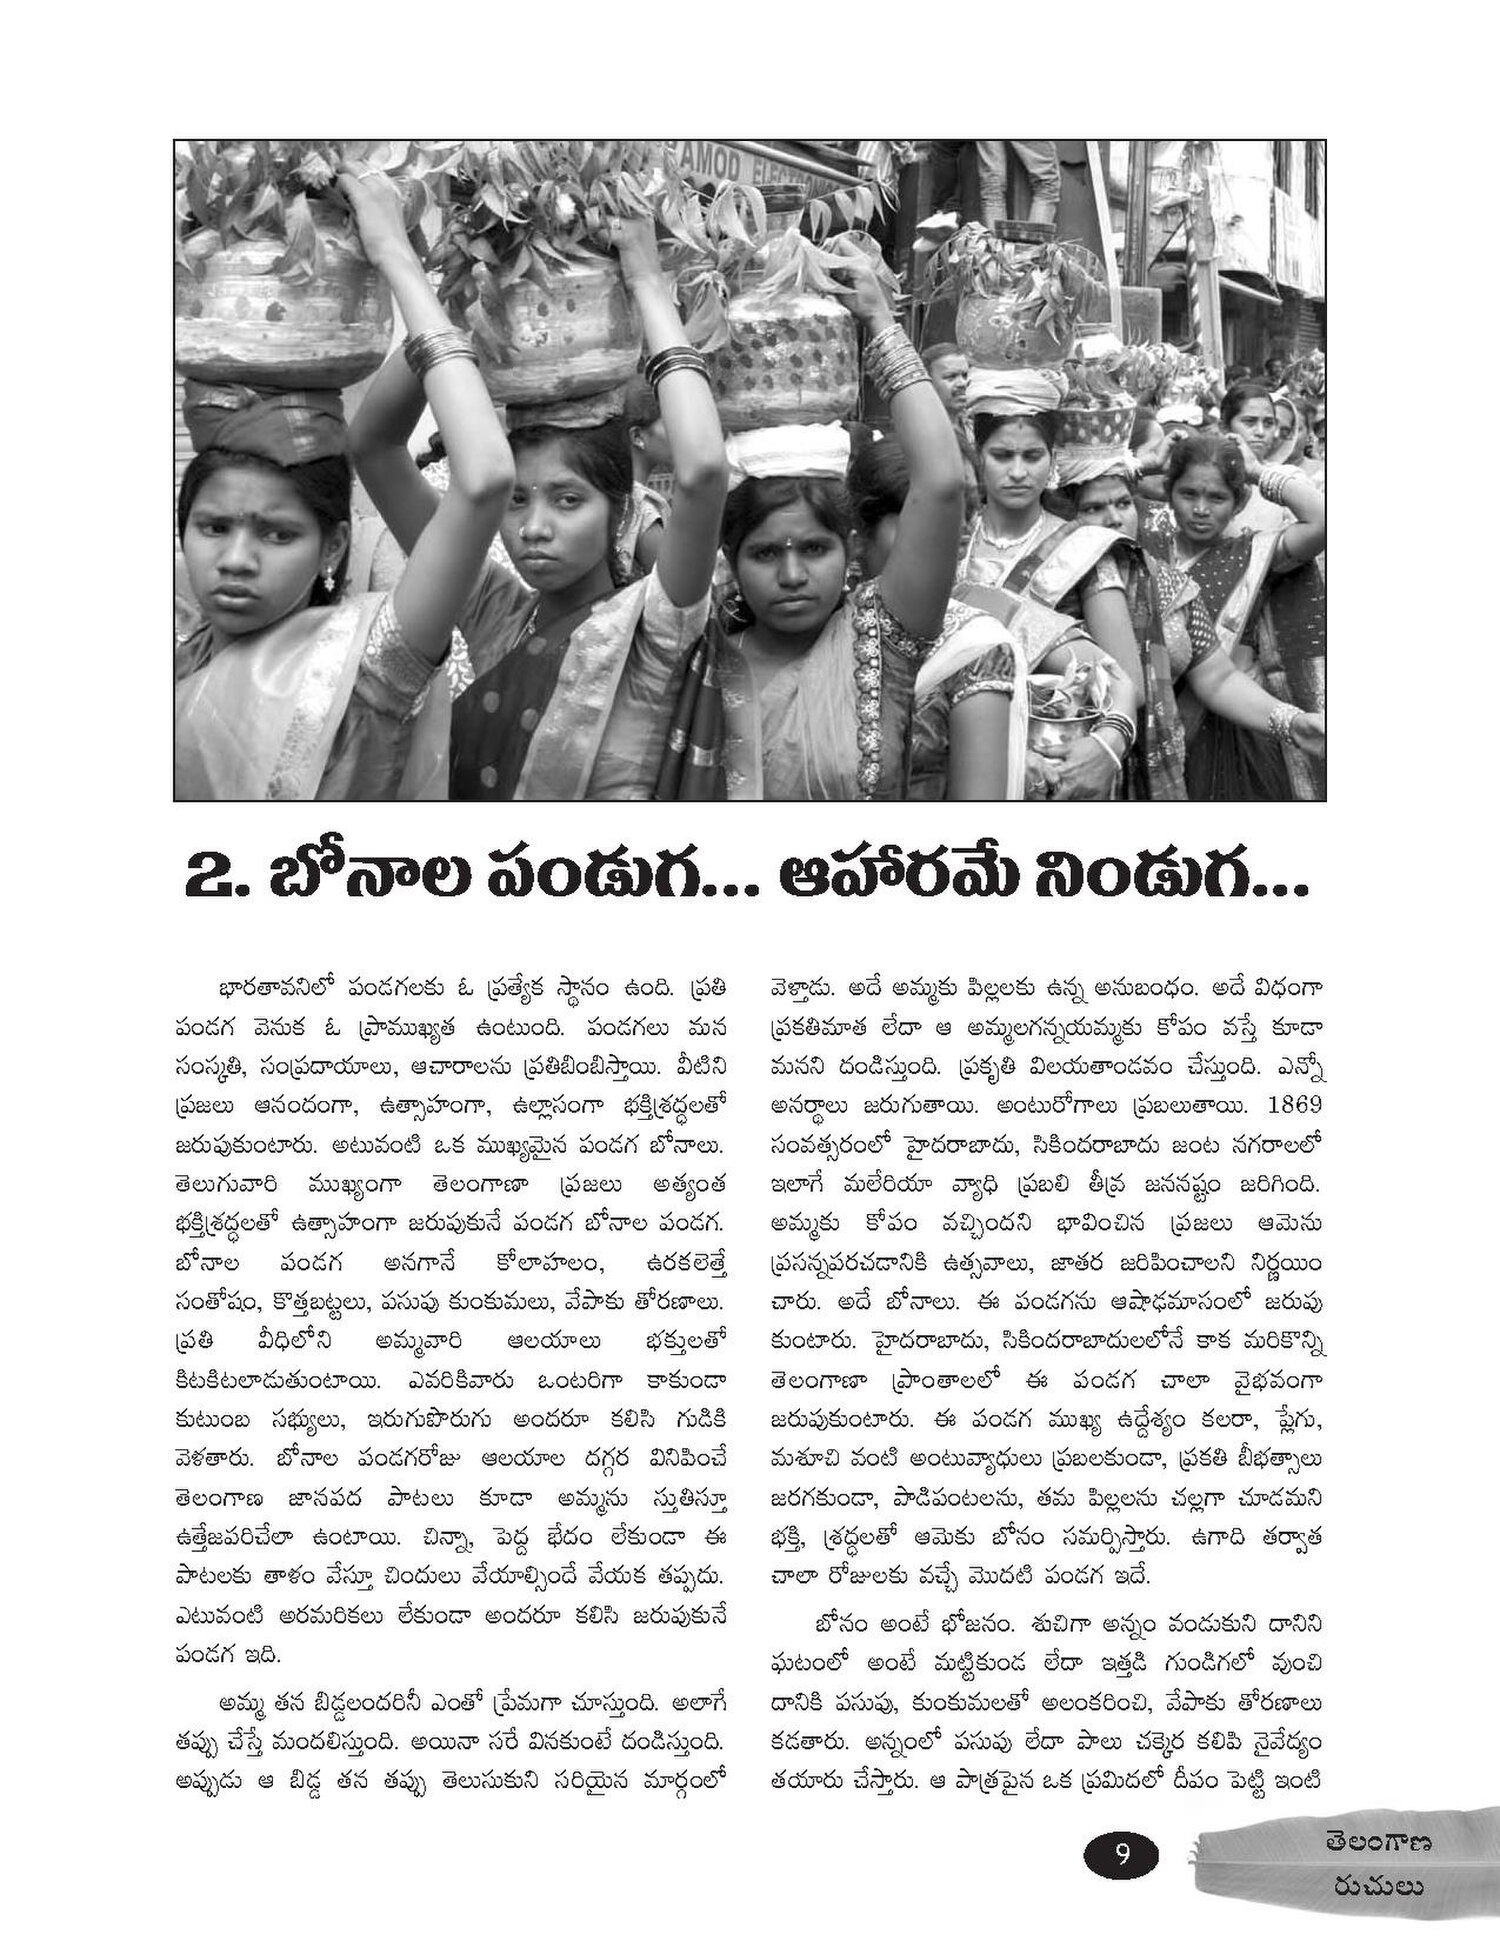భారతావనిలో పండగలకు ఓ ప్రత్యేక స్థానం ఉంది. ప్రతి పండగ వెనుక ఓ ప్రాముఖ్యత ఉంటుంది. పండగలు మన
సంస్కృతి, సంప్రదాయాలు, ఆచారాలను ప్రతిబింబిస్తాయి. వీటిని ప్రజలు ఆనందంగా, ఉత్సాహంగా, ఉల్లాసంగా భక్తిశ్రద్ధలతో జరుపుకుంటారు. అటువంటి ఒక ముఖ్యమైన పండగ బోనాలు. తెలుగువారి ముఖ్యంగా తెలంగాణా ప్రజలు అత్యంత భక్తిశ్రద్ధలతో ఉత్సాహంగా జరుపుకునే పండగ బోనాల పండగ. బోనాల పండగ అనగానే కోలాహలం, ఉరకలెత్తే
సంతోషం, కొత్తబట్టలు, పసుపు కుంకుమలు, వేపాకు తోరణాలు. ప్రతి వీధిలోని అమ్మవారి ఆలయాలు భక్తులతో
కిటకిటలాడుతుంటాయి. ఎవరికివారు ఒంటరిగా కాకుండా కుటుంబ సభ్యులు, ఇరుగుపొరుగు అందరూ కలిసి గుడికి
వెళతారు. బోనాల పండగరోజు ఆలయాల దగ్గర వినిపించే తెలంగాణ జానపద పాటలు కూడా అమ్మను స్తుతిస్తూ
ఉత్తేజపరిచేలా ఉంటాయి. చిన్నా, పెద్ద భేదం లేకుండా ఈ పాటలకు తాళం వేస్తూ చిందులు వేయాల్సిందే వేయక తప్పదు. ఎటువంటి అరమరికలు లేకుండా అందరూ కలిసి జరుపుకునే పండగ ఇది.

అమ్మ తన బిడ్డలందరినీ ఎంతో ప్రేమగా చూస్తుంది. అలాగే తప్పు చేస్తే మందలిస్తుంది. అయినా సరే వినకుంటే దండిస్తుంది. అప్పుడు ఆ బిడ్డ తన తప్పు తెలుసుకుని సరియైన మార్గంలో వెళ్తాడు. అదే అమ్మకు పిల్లలకు ఉన్న అనుబంధం. అదే విధంగా ప్రకతిమాత లేదా ఆ అమ్మలగన్నయమ్మకు కోపం వస్తే కూడా మనని దండిస్తుంది. ప్రకృతి విలయతాండవం చేస్తుంది. ఎన్నో అనర్థాలు జరుగుతాయి. అంటురోగాలు ప్రబలుతాయి. 1869 సంవత్సరంలో హైదరాబాదు, సికిందరాబాదు జంట నగరాలలో ఇలాగే మలేరియా వ్యాధి ప్రబలి తీవ్ర జననష్టం జరిగింది. అమ్మకు కోపం వచ్చిందని భావించిన ప్రజలు ఆమెను ప్రసన్నపరచడానికి ఉత్సవాలు, జాతర జరిపించాలని నిర్ణయించారు. అదే బోనాలు. ఈ పండగను ఆషాఢమాసంలో జరుపుకుంటారు. హైదరాబాదు, సికిందరాబాదులలోనే కాక మరికొన్ని
తెలంగాణా ప్రాంతాలలో ఈ పండగ చాలా వైభవంగా జరుపుకుంటారు. ఈ పండగ ముఖ్య ఉద్దేశ్యం కలరా, ప్లేగు,
మశూచి వంటి అంటువ్యాధులు ప్రబలకుండా, ప్రకతి బీభత్సాలు జరగకుండా, పాడిపంటలను, తమ పిల్లలను చల్లగా చూడమని భక్తి, శ్రద్ధలతో ఆమెకు బోనం సమర్పిస్తారు. ఉగాది తర్వాత చాలా రోజులకు వచ్చే మొదటి పండగ ఇదే.

బోనం అంటే భోజనం. శుచిగా అన్నం వండుకుని దానిని ఘటంలో అంటే మట్టికుండ లేదా ఇత్తడి గుండిగలో వుంచి
దానికి పసుపు, కుంకుమలతో అలంకరించి, వేపాకు తోరణాలు కడతారు. అన్నంలో పసుపు లేదా పాలు చక్కెర కలిపి నైవేద్యం తయారు చేస్తారు. ఆ పాత్రపైన ఒక ప్రమిదలో దీపం పెట్టి ఇంటి